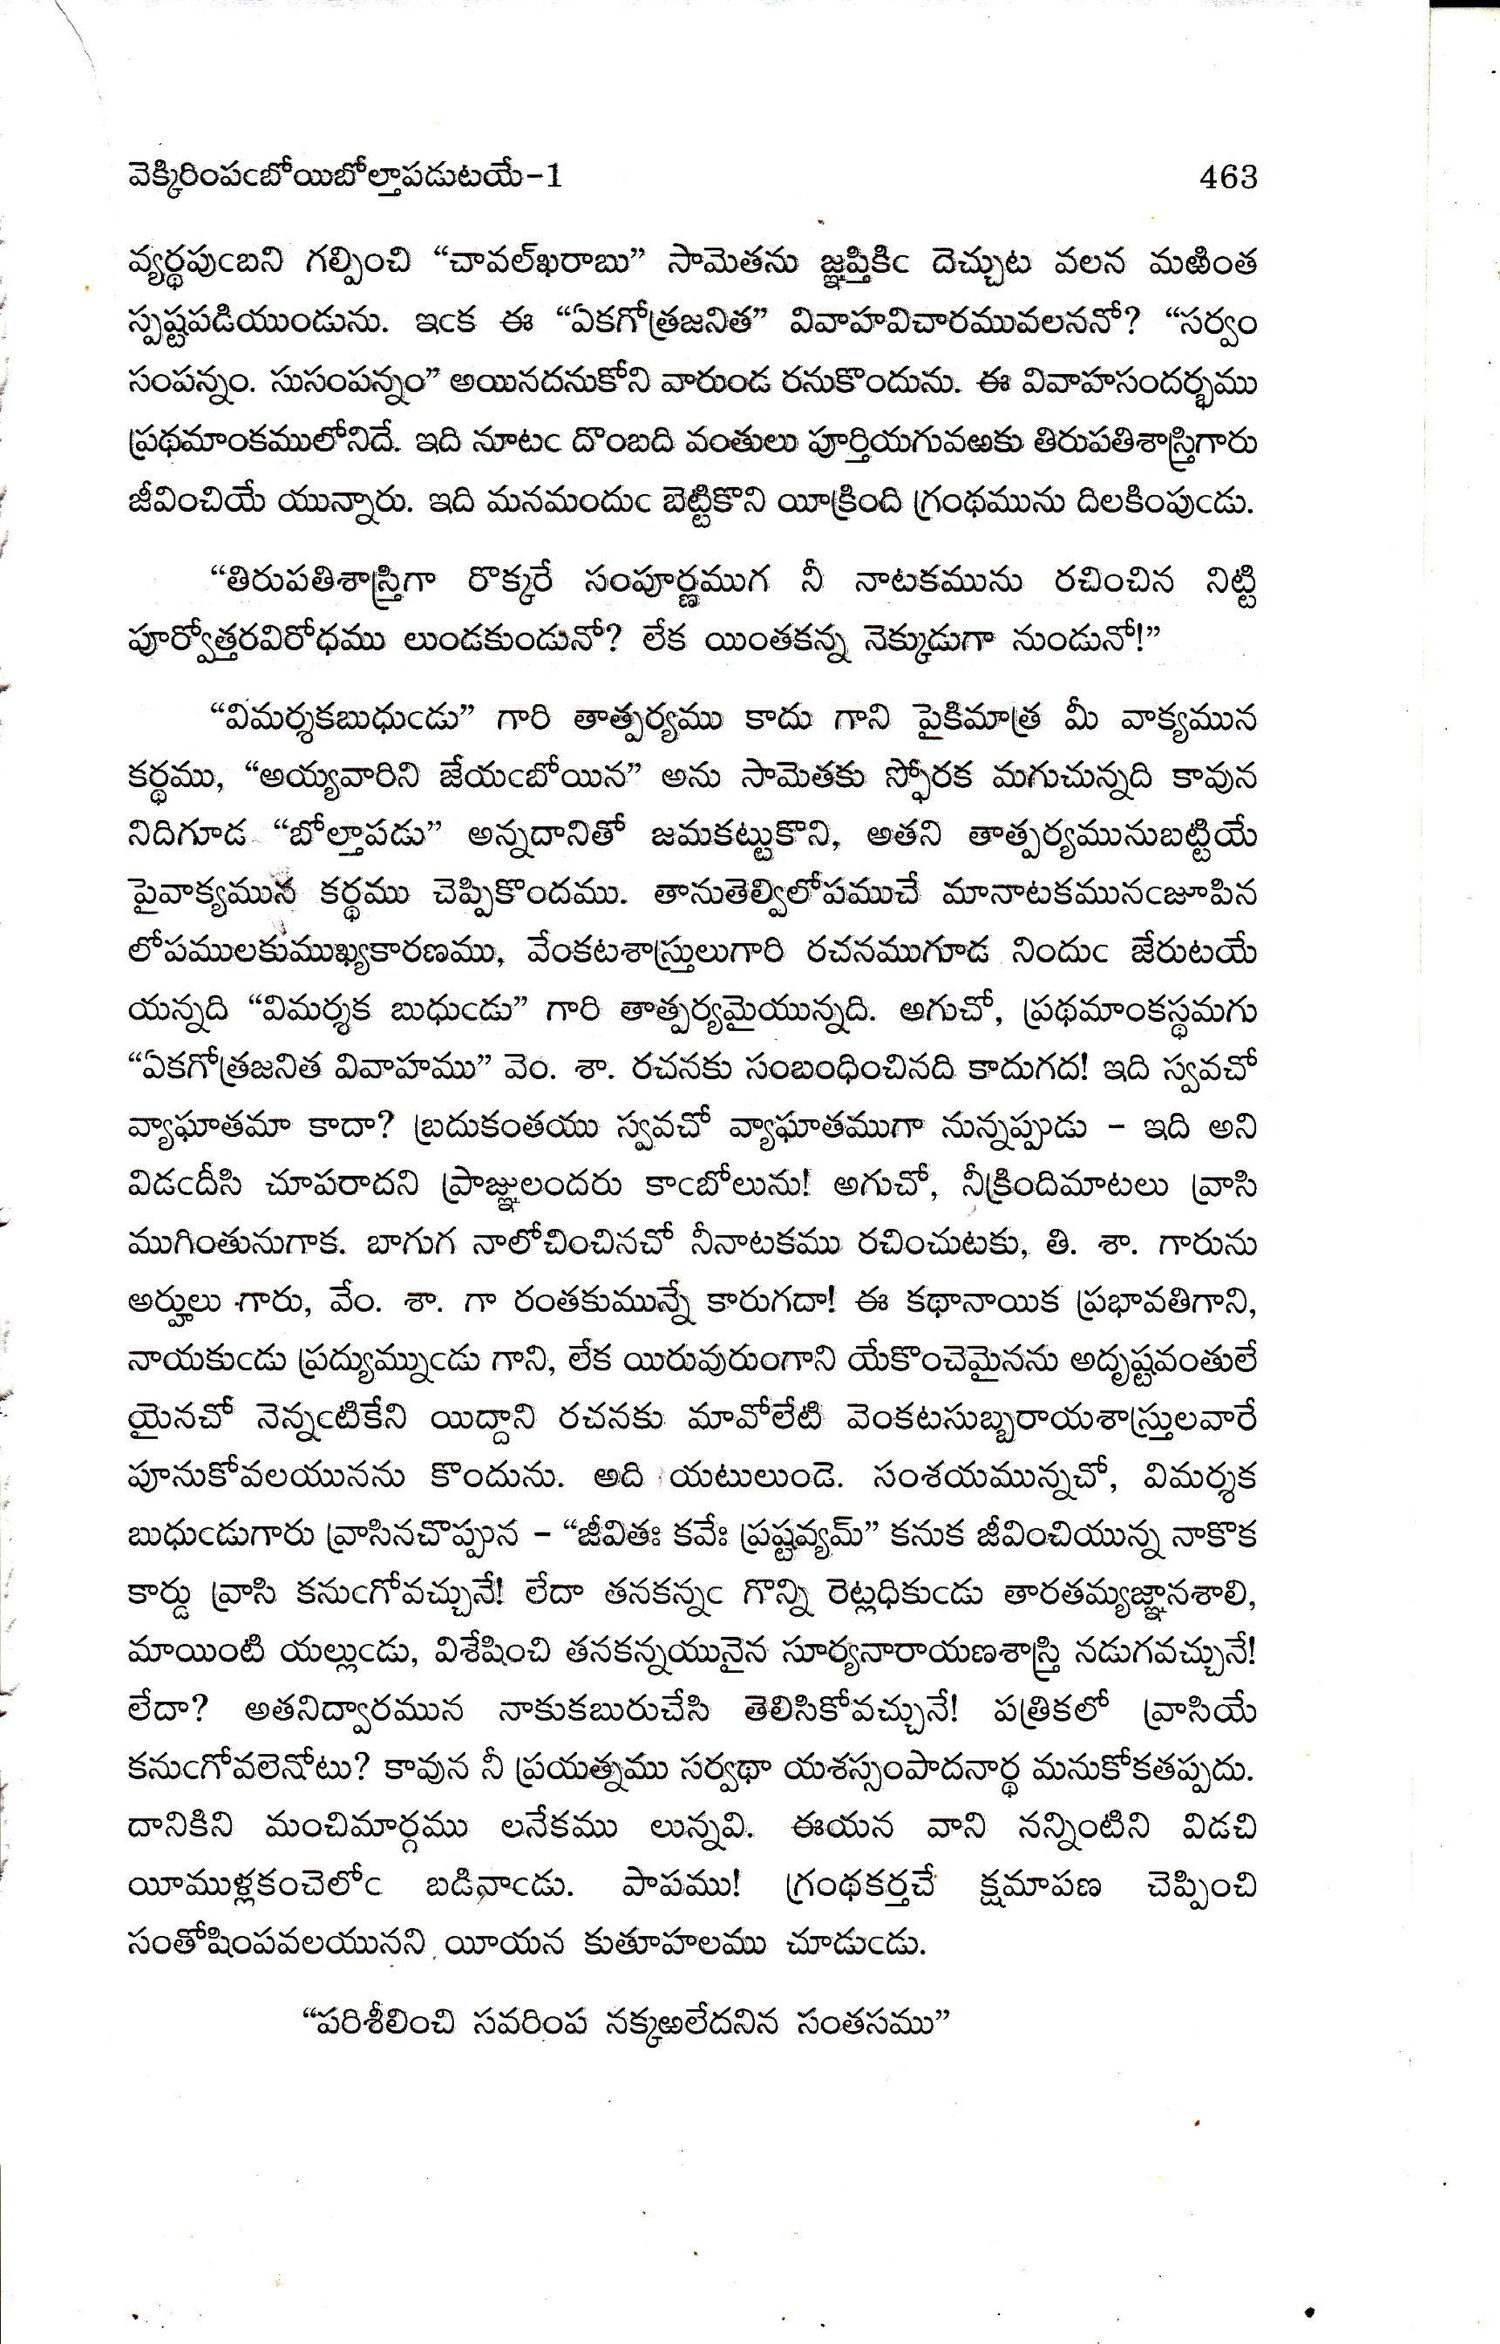వ్యర్ధపుఁబని గల్పించి "చావల్‌ఖరాబు" సామెతను జ్ఞప్తికిఁ దెచ్చుట వలన మఱింత స్పష్టపడియుండును. ఇఁక ఈ “ఏకగోత్రజనిత" వివాహవిచారమువలననో? “సర్వం సంపన్నం. సుసంపన్నం" అయినదనుకోని వారుండరనుకొందును. ఈ వివాహసందర్భము ప్రథమాంకములోనిదే. ఇది నూటఁ దొంబది వంతులు పూర్తియగువఱకు తిరుపతిశాస్త్రిగారు జీవించియే యున్నారు. ఇది మనమందుఁ బెట్టికొని యీక్రింది గ్రంథమును దిలకింపుఁడు.

"తిరుపతిశాస్త్రిగా రొక్కరే సంపూర్ణముగ నీ నాటకమును రచించిన నిట్టి పూర్వోత్తరవిరోధము లుండకుండునో? లేక యింతకన్న నెక్కుడుగా నుండునో!"

“విమర్శకబుధుఁడు" గారి తాత్పర్యము కాదు గాని పైకిమాత్ర మీ వాక్యమున కర్థము, "అయ్యవారిని జేయఁబోయిన" అను సామెతకు స్ఫోరక మగుచున్నది కావున నిదిగూడ “బోల్తాపడు" అన్నదానితో జమకట్టుకొని, అతని తాత్పర్యమునుబట్టియే పైవాక్యమున కర్థము చెప్పికొందము. తానుతెల్విలోపముచే మానాటకమునఁజూపిన లోపములకుముఖ్యకారణము, వేంకటశాస్త్రులుగారి రచనముగూడ నిందుఁ జేరుటయే యన్నది "విమర్శక బుధుఁడు” గారి తాత్పర్యమైయున్నది. అగుచో, ప్రథమాంకస్థమగు “ఏకగోత్రజనిత వివాహము" వెం. శా. రచనకు సంబంధించినది కాదుగద! ఇది స్వవచో వ్యాఘాతమా కాదా? బ్రదుకంతయు స్వవచో వ్యాఘాతముగా నున్నప్పుడు - ఇది అని విడఁదీసి చూపరాదని ప్రాజ్ఞులందరు కాఁబోలును! అగుచో, నీక్రిందిమాటలు వ్రాసి ముగింతునుగాక. బాగుగ నాలోచించినచో నీనాటకము రచించుటకు, తి. శా. గారును అర్హులు గారు, వేం. శా. గా రంతకుమున్నే కారుగదా! ఈ కథానాయిక ప్రభావతిగాని, నాయకుఁడు ప్రద్యుమ్నుఁడు గాని, లేక యిరువురుంగాని యేకొంచెమైనను అదృష్టవంతులే యైనచో నెన్నఁటికేని యిద్దాని రచనకు మావోలేటి వెంకటసుబ్బరాయశాస్త్రులవారే పూనుకోవలయునను కొందును. అది యుటులుండె. సంశయమున్నచో, విమర్శక బుధుఁడుగారు వ్రాసినచొప్పున - "జీవితః కవేః ప్రష్టవ్యమ్" కనుక జీవించియున్న నాకొక కార్డు వ్రాసి కనుఁగోవచ్చునే! లేదా తనకన్నఁ గొన్ని రెట్లధికుఁడు తారతమ్యజ్ఞానశాలి, మాయింటి యల్లుఁడు, విశేషించి తనకన్నయునైన సూర్యనారాయణశాస్త్రి నడుగవచ్చునే! లేదా? అతనిద్వారమున నాకుకబురుచేసి తెలిసికోవచ్చునే! పత్రికలో వ్రాసియే కనుఁగోవలెనోటు? కావున నీ ప్రయత్నము సర్వథా యశస్సంపాదనార్థ మనుకోకతప్పదు. దానికిని మంచిమార్గము లనేకము లున్నవి. ఈయన వాని నన్నింటిని విడచి యీముళ్లకంచెలోఁ బడినాఁడు. పాపము! గ్రంథకర్తచే క్షమాపణ చెప్పించి సంతోషింపవలయునని యీయన కుతూహలము చూడుఁడు.

“పరిశీలించి సవరింప నక్కఱలేదనిన సంతసము”